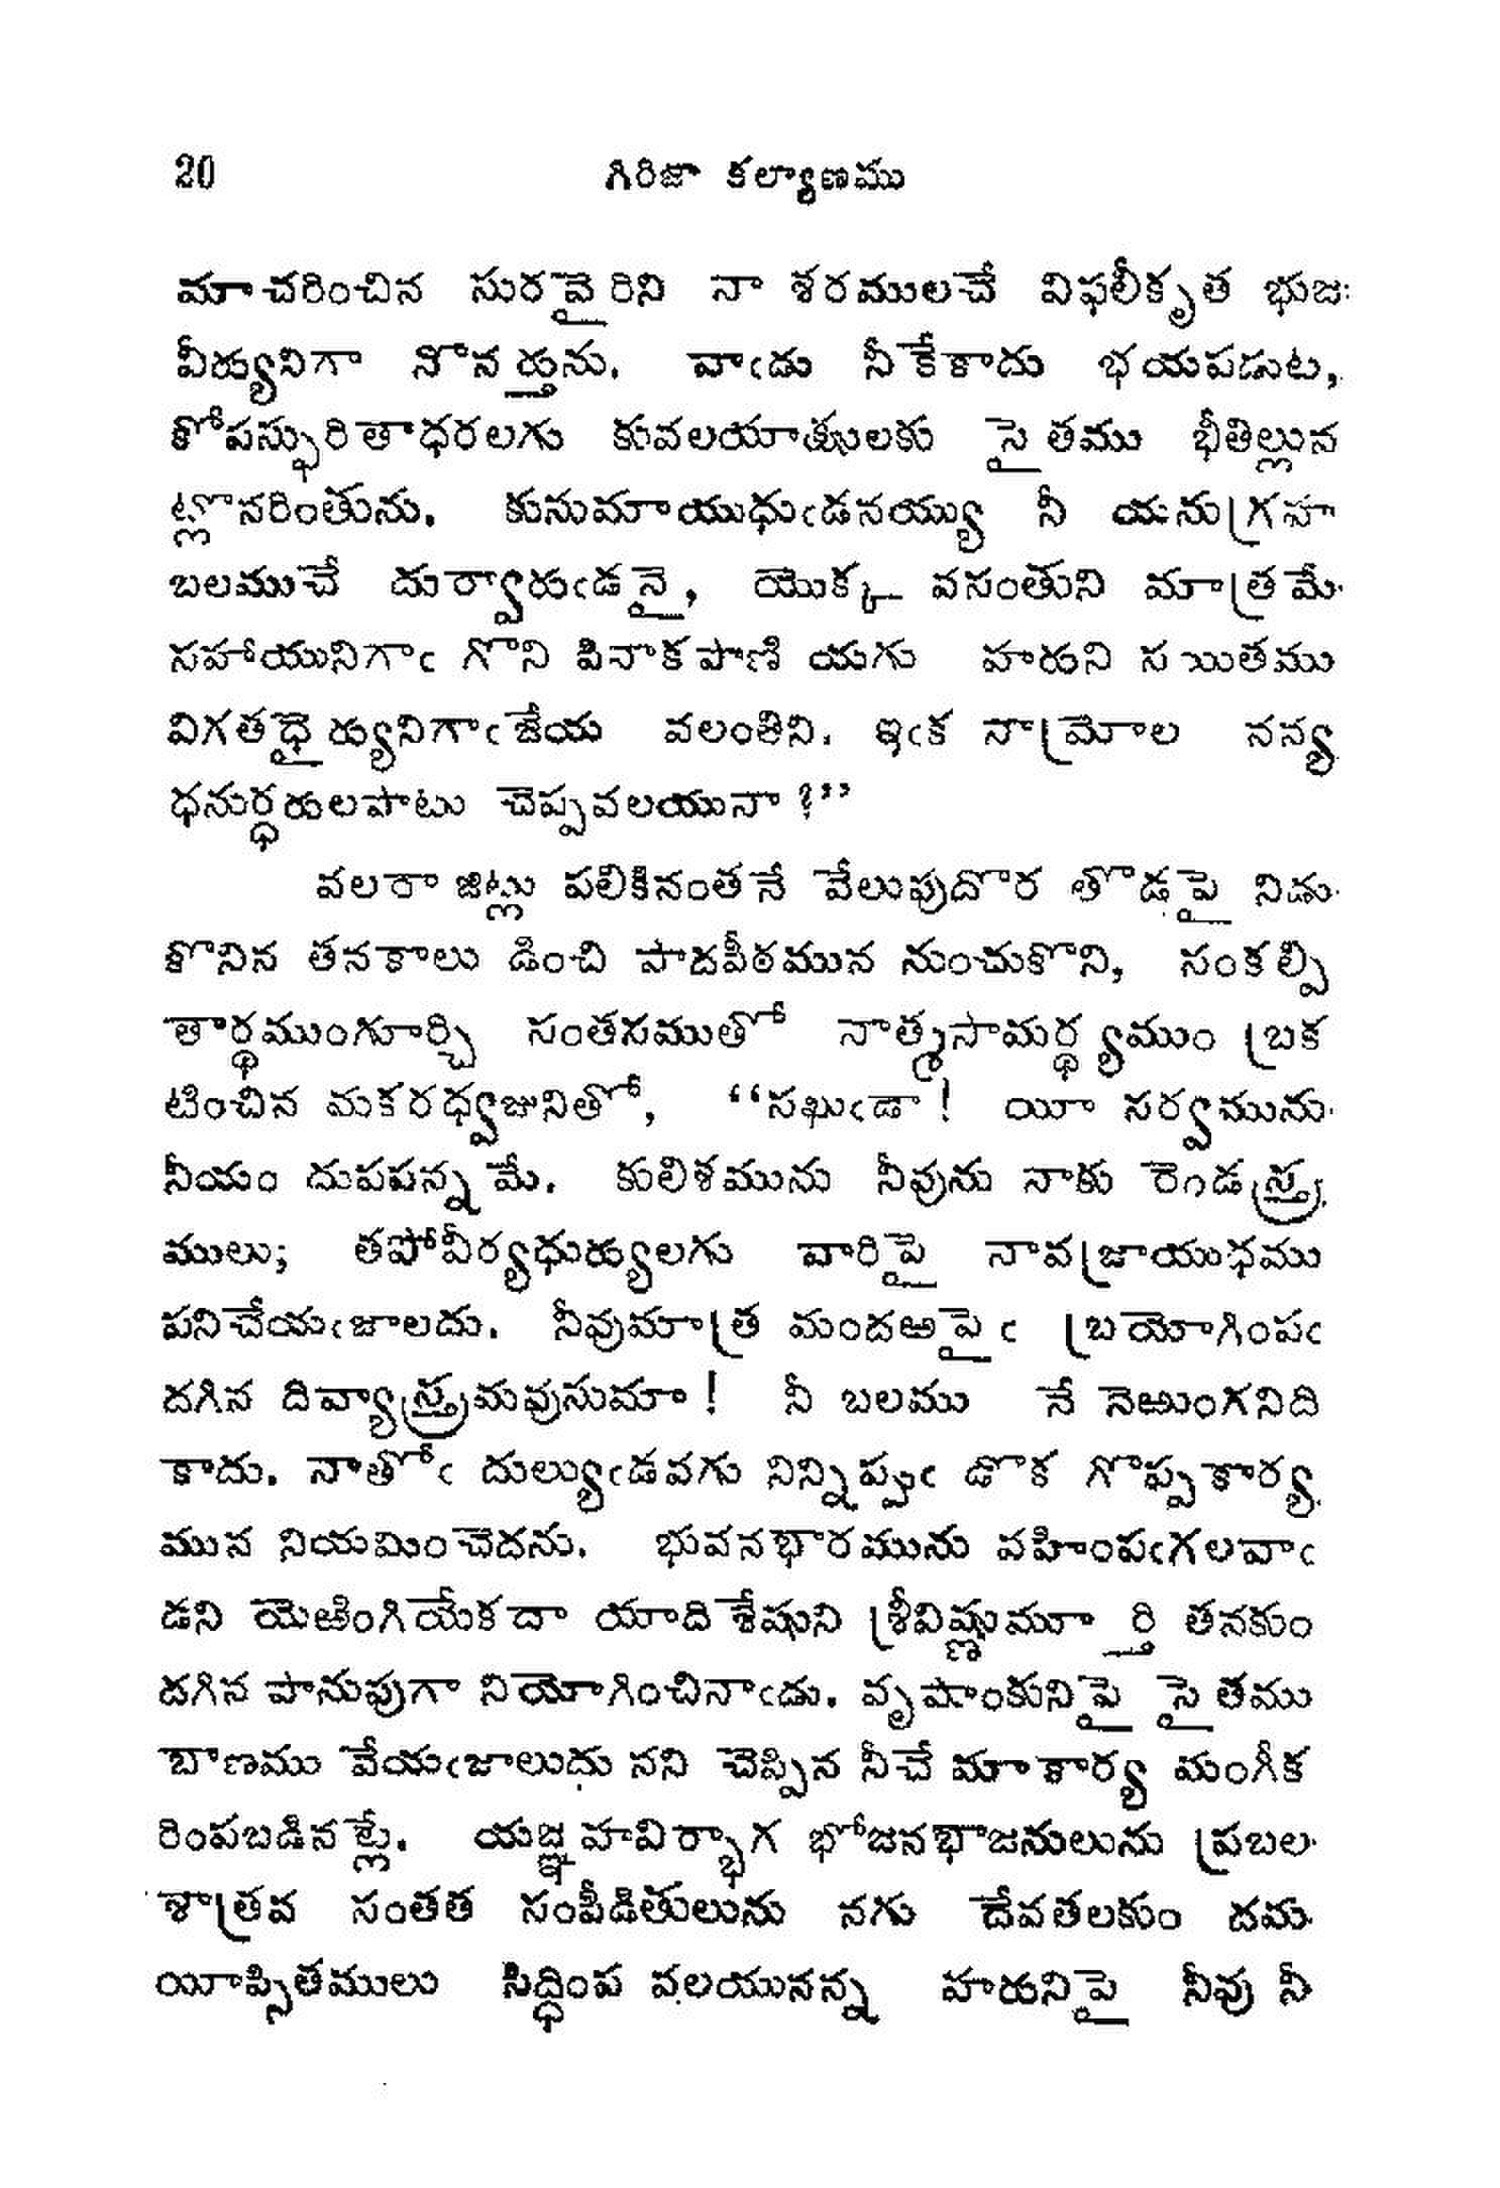మాచరించిన సురవైరిని నా శరములచే విఫలీకృత భుజః వీర్యునిగా నొనర్తును, వాఁడు నీకే కాదు భయపడుట,
కోపస్ఫురితాధరలగు కువలయాక్షులకు సైతము భీతిల్లునట్లొనరింతును. కుసుమాయుధుఁడనయ్యు నీ యనుగ్రహ
బలముచే దుర్వారుఁడనై, యొక్క వసంతుని మాత్రమే. సహాయునిగాఁ గొని పినాకపాణి యగు హరుని సయితము
విగతధై ర్యునిగాఁ జేయ వలంతిని. ఇఁక నామొల నన్య ధనుర్ధరులపాటు చెప్పవలయునా ?"

వలరా జిట్లు పలికినంతనే వేలుపుదొర తొడపై నిడు కొనిన తనకాలు డించి పాదపీఠమున నుంచుకొని, సంకల్పితార్థముం గూర్చి సంతనముతో నాత్మసామర్థ్యముం బ్రకటించిన మకరధ్వజునితో, “సఖుఁడా! యీ సర్వమును. నీయం దుపపన్న మే. కులిశమును నీవును నాకు రెండస్త్రములు; తపోవీర్యధుర్యులగు వారిపై నావజ్రాయుధము పనిచేయఁజాలదు. నీవుమాత్ర మందఱపైఁ బ్రయోగింపఁ దగిన దివ్యాస్త్రమవుసుమా ! నీ బలము నే నెఱుంగనిది కాదు, నాతోఁ దుల్యుఁడవగు నిన్నిప్పుఁ డొక గొప్పకార్యమున నియమిం చెదను. భువన భారమును వహింపఁగలవాఁడని యెఱింగియేకదా యాది శేషుని శ్రీవిష్ణుమూర్తి తనకుం దగిన పానుపుగా నియోగించినాఁడు. వృషాంకునిపై సైతము బాణము వేయఁజాలుదు నని చెప్పిన నీచే మా కార్య మంగీకరింపబడినట్లే. యజ్ఞ హవిర్భాగ భోజన భాజనులును ప్రబల శాత్రవ సంతత సంపీడితులును నగు దేవతలకుం దమ
యీప్సితములు సిద్ధింప వలయునన్న హరునిపై నీవు నీ